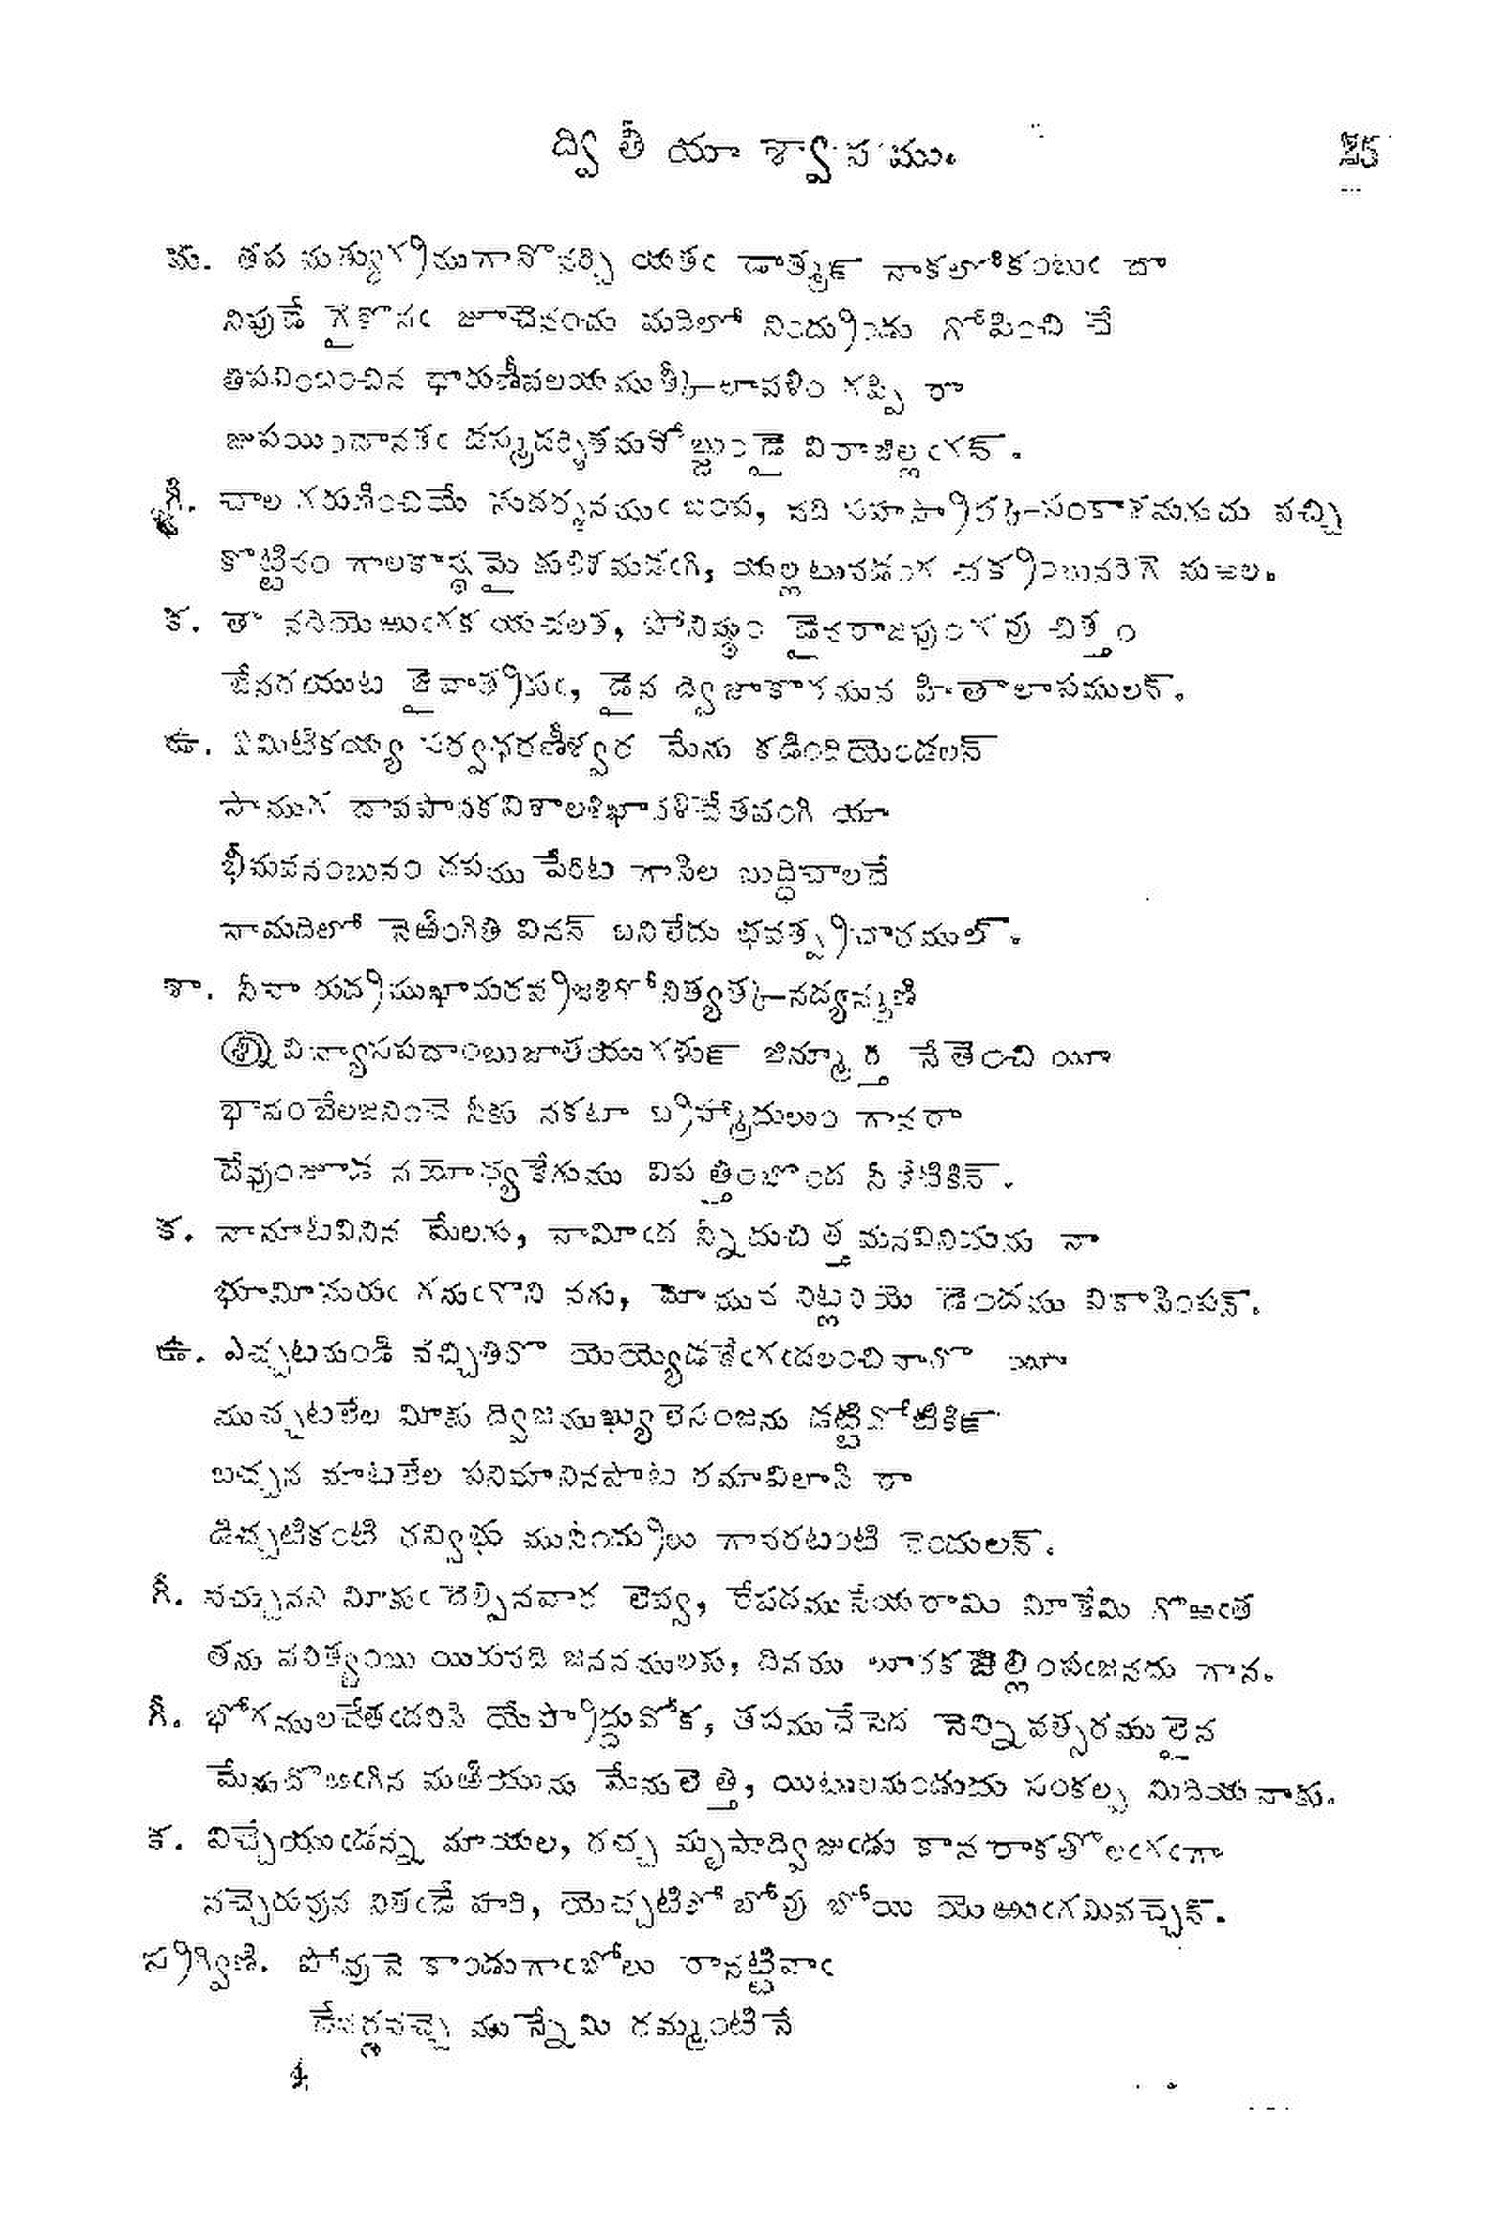మ. తప మత్యుగ్రముగా నొనర్చి యతఁ డాత్మన్ నాకలోకంబుఁ దా
 నిపుడే గైకొనఁ జూచెనంచు మదిలో నింద్రుండు గోపించి చే
 తిపనింబంచిన ధారుణీవలయ ముత్కీలాపవళిం గప్పి రా
 జుపయిందానతఁ డస్మదర్శితమనోబ్జుండై విరాజిల్లఁగన్.
గీ. చాల గరుణించి యే సుదర్శనముఁ బంప, నది సహస్రార్కసంకాశ మగుచు వచ్చి
 కొట్టినం గాలకాష్ఠమై కులిశ మడఁగి, యల్లటువడంగ చక్రంబు నరిగె మఱల.
క. తా నదియెఱుఁగక యచలల, పోనిష్ఠుం డైన రాజపుంగవు చిత్తం
 బే నరయుట జైవాత్రకుఁ, డైన ద్విజాకారమున హితాలాపములన్.
ఉ. ఏమిటికయ్య సర్వధరణీశ్వర మేను కడిందియెండలన్
 సాముగ దావపానకవిశాలశిఖాళిచేతవంగి యూ
 భీమవనంబునం దపము పేరిట గాసిల బుద్ధిచాలదే
 నామదిలో నెఱింగితి వినన్ బని లేదు భవత్ప్రచారముల్.
శా. నీనా రుద్రముఖామరవ్రజశిరోనిత్యత్కనద్యన్మణి
 శ్రీవిన్యాసపదాంబుజాతయుగళున్ జిన్మూర్తి నేతెంచి యీ
 భావం బేల జనించె నీకు నకటా బ్రహ్మాదులుం గానరా
 దేవుం జూడ నయోధ్య కేగుము విపత్తింబొంద నీకేటికిన్.
క. నామాటవినిన మేలగు, నామీఁద న్నీదుచిత్త మనవినిమను నా
 భూమీసురుఁ గనుఁగొని నగు, మోమున నిట్లనియె డెందము వికాసింపన్.
ఉ. ఎచ్చటనుండి వచ్చితిరొ యెయ్యెడ కేఁగఁదలంచినారొ యీ
 ముచ్చట లేల మీకు ద్విజముఖ్యులెసంజను డట్టివోటికిన్
 బచ్చన మాటలేల పనిమానినపాట రమావిలాసి రా
 డిచ్చటికంటి నవ్విభు మునీంద్రులు గానరటంటి రెందులన్.
గీ. వచ్చునని మీకుఁ దెల్పినవార లెవ్వ, రేపదము సేయరామి మీకేమి గొఱఁత
 తను వనిత్యంబు యిరువది జననములకు, దినము లూరక జెల్లింపఁజనదు గాన.
గీ. భోగములచేతఁదనిసి యేప్రొద్దువోక, తపము చేసెద నెన్నివత్సరములైన
 మేను దొఱఁగిన మఱియును మేనులెత్తి, యిటులనుండుదు సంకల్ప మిదియ నాకు.
క. విచ్చేయుఁడన్న మాయల, రచ్చ మృషాద్విజుఁడు కానరాక తొలఁగఁగా
 నచ్చెరువున నితఁడే హరి, యెచ్చటితో బోవు బోయి యెఱుఁగమివచ్చెన్.
స్రగ్విణి. పోవునె కాండుగాఁబోలు రానట్టివాఁ
 దేవర్ణవచ్చె మున్నేమి రమ్మంటినే